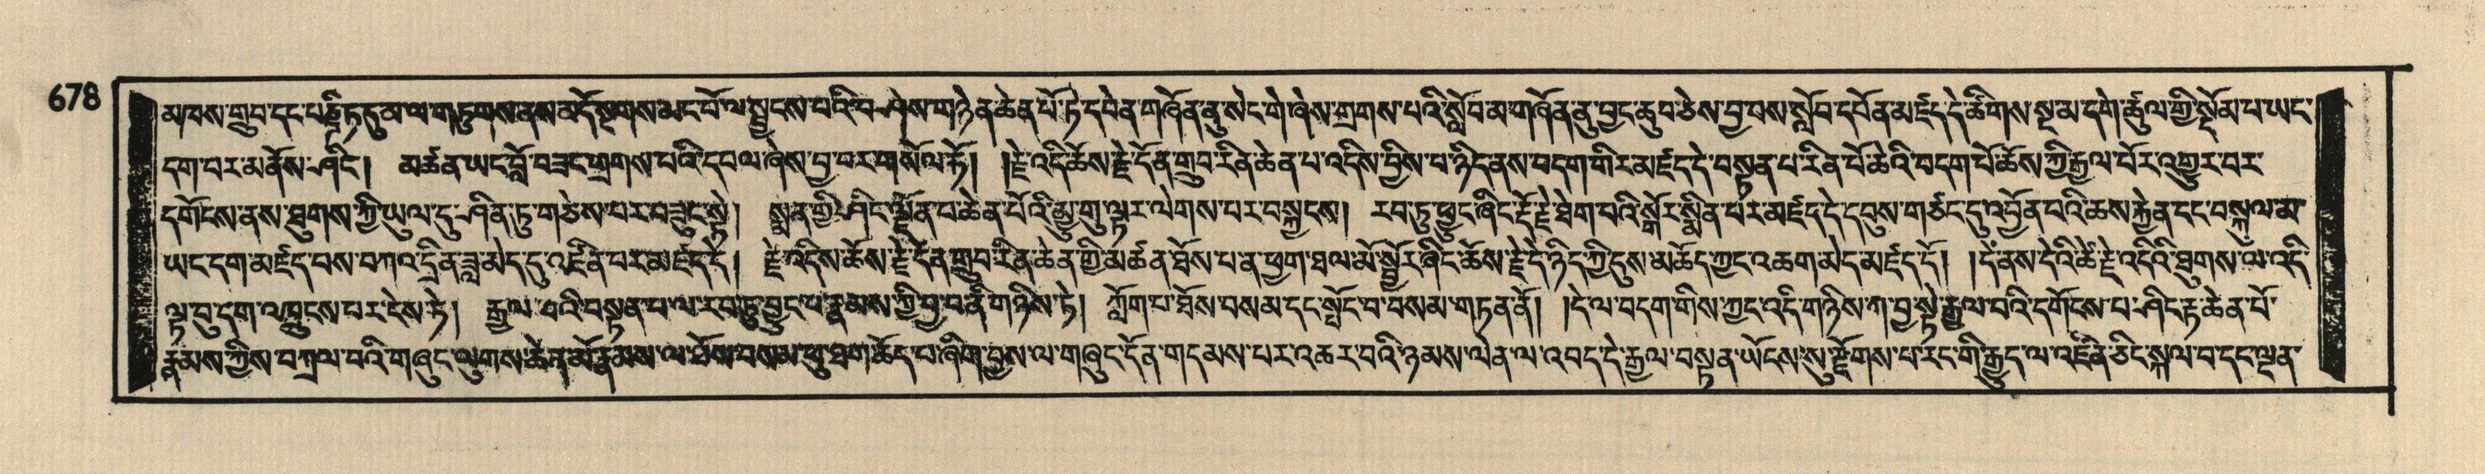མཁས་གྲུབ་དང་པཎྜི་ཏ་དུ་མ་ལ་གཏུགས་ནས་མདོ་སྔགས་མང་པོ་ལ་སྦྱངས་པའི་བཤེས་གཉེན་ཆེན་པོ་ཏེ་དབེན་གཞོན་ནུ་སེང་གེ་ཞེས་གྲགས་པའི་སློབ་མ་གཞོན་ནུ་བྱང་ཆུབ་ཅེས་བྱ་བས་སློབ་དཔོན་མཛད་དེ་ཚིགས་སྔ་མ་དགེ་ཚུལ་གྱི་སྡོམ་པ་ཡང་
དག་བར་མནོས་ཤིང་། མཚན་ཡང་བློ་བཟང་གྲགས་པའི་དཔལ་ཞེས་བྱ་བར་གསོལ་ཏོ། །རྗེ་འདི་ཆོས་རྗེ་དོན་གྲུབ་རིན་ཆེན་པ་འདིས་བྱིས་པ་ཉིད་ནས་བདག་གིར་མཛད་དེ་བསྟན་པ་རིན་པོ་ཆེའི་བདག་པོ་ཆོས་ཀྱི་རྒྱལ་པོར་འགྱུར་བར་
དགོངས་ནས་ཐུགས་ཀྱི་ཡུལ་དུ་ཤིན་ཏུ་གཅེས་པར་བཟུང་སྟེ། སྨན་གྱི་ཤིང་ལྗོན་པ་ཆེན་པོའི་མྱུ་གུ་ལྟར་ལེགས་པར་བསྐྱངས། རབ་ཏུ་ཕྱུང་ཞིང་རྡོ་རྗེ་ཐེག་པའི་སྒོར་སྨིན་པར་མཛད་དེ་དབུས་གཙང་དུ་འབྱོན་བའི་ཆས་རྐྱེན་དང་བསྐུལ་མ་
ཡང་དག་མཛད་པས་བཀའ་དྲིན་ཟླ་མེད་དུ་འཛིན་པར་མཛད་དེ། རྗེ་འདིས་ཆོས་རྗེ་དོན་གྲུབ་རིན་ཆེན་གྱི་མཚན་ཐོས་པ་ན་ཕྱག་ཐལ་མོ་སྦྱོར་ཞིང་ཆོས་རྗེ་དེ་ཉིད་ཀྱི་དུས་མཆོད་ཀྱང་འཆག་མེད་མཛད་དོ། །དེ་ནས་དེའི་ཚེ་རྗེ་འདིའི་ཐུགས་ལ་འདི་
ལྟ་བུ་དག་འཁྲུངས་པར་ངེས་ཏེ། རྒྱལ་བའི་བསྟན་པ་ལ་རབ་ཏུ་བྱུང་བ་རྣམས་ཀྱི་བྱ་བ་ནི་གཉིས་ཏེ། ཀློག་པ་ཐོས་བསམ་དང་སྤོང་བ་བསམ་གཏན་ནོ། །དེ་ལ་བདག་གིས་ཀྱང་འདི་གཉིས་ཀ་བྱ་སྟེ་རྒྱལ་བའི་དགོངས་པ་ཤིང་རྟ་ཆེན་པོ་
རྣམས་ཀྱིས་བཀྲལ་བའི་གཞུང་ལུགས་ཆེན་མོ་རྣམས་ལ་ཐོས་བསམ་ཕུ་ཐག་ཆོས་པ་ཞིག་བྱས་ལ་གཞུང་དོན་གདམས་པར་འཆར་བའི་ཉམས་ལེན་ལ་འབད་དེ་རྒྱལ་བསྟན་ཡོངས་སུ་རྫོགས་པ་རང་གི་རྒྱུད་ལ་འཛིན་ཅིང་སྐལ་བ་དང་ལྡན་